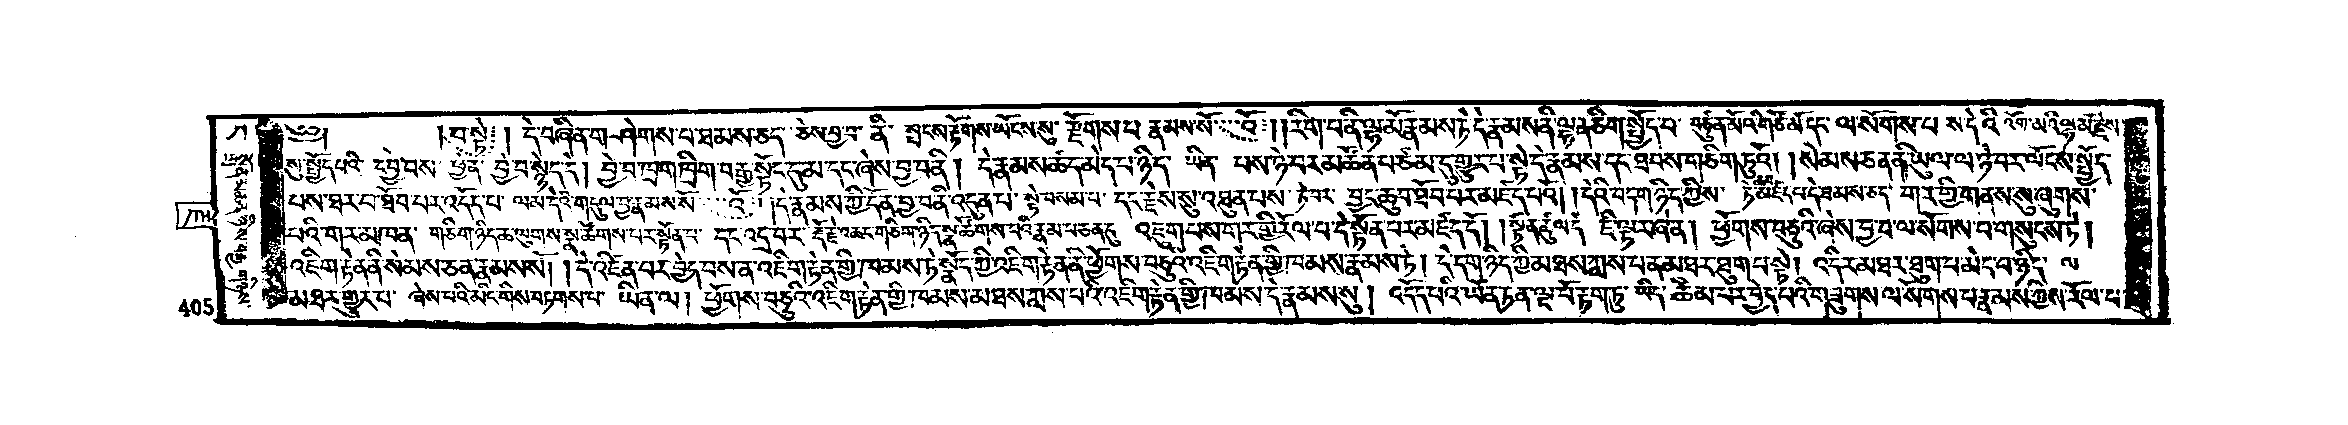༄༅། །བ་སྟེ། དེ་བཞིན་གཤེགས་པ་ཐམས་ཅད་ཅེས་བྱ་བ་ནི་སྤངས་རྟོགས་ཡོངས་སུ་རྫོགས་པ་རྣམས་སོའོ། །རིག་པ་ནི་ལྷ་མོ་རྣམས་ཏེ་དེ་རྣམས་ནི་ལྷན་ཅིག་སྤྱོད་པ་བཙུན་མོའི་གཙོ་མོ་དང་ལ་སོགས་པས་དེའི་འོག་མའི་ལྷ་མོ་རྗེས་
སུ་སྤྱོད་པའི་དབྱེ་བས་ཕྱི་ནི་བྱེ་བ་སྙེད་དེ། བྱེ་བ་ཁྲག་ཁྲིག་བརྒྱ་སྟོང་དུ་མ་དང་ཞེས་བྱ་བ་ནི། དེ་རྣམས་ཚད་མེད་པ་ཉིད་ཡིན་པས་ཉེ་བར་མཚོན་པ་ཙམ་དུ་གྱུར་པ་སྟེ་དེ་རྣམས་དང་ཐབས་གཅིག་ཏུའོ། །སེམས་ཅན་ནི་ཡུལ་ལ་ཉེ་བར་ལོངས་སྤྱོད་
པས་ཐར་པ་ཐོབ་པར་འདོད་པ་ལམ་དེའི་གདུལ་བྱ་རྣམས་སོའོ། །དེ་རྣམས་ཀྱི་དོན་བྱ་བ་ནི་འདུན་པ་སྟེ་བསམ་པ་དང་རྗེས་སུ་འཐུན་པས་ཏེ་པར་བྱང་ཆུབ་ཐོབ་པར་མཛད་པའོ། །དེའི་བདག་ཉིད་ཀྱིས་ཏེ་ཆག་མཛད་པ་དེ་ཐམས་ཅད་གར་གྱི་གནས་སུ་ཞུགས་
པའི་གར་མཁན་གཅིག་ཉིད་ཆ་ལུགས་སྣ་ཚོགས་པར་སྟོན་པ་དང་འདྲ་བར་རྡོ་རྗེ་འཆང་གཅིག་ཉིད་སྣ་ཚོགས་པའི་རྣམ་པ་ཅན་དུ་འཇུག་པས་གར་གྱི་རོལ་པ་དེ་སྟོན་པར་མཛད་དོ། ། སྟོན་ཚུལ་དེ་ཇི་ལྟར་ཞེ་ན། ཕྱོགས་བཅུའི་ཞེས་བྱ་བ་ལ་སོགས་པ་གསུངས་ཏེ།
འཇིག་རྟེན་ནི་སེམས་ཅན་རྣམས་སོ། །དེ་འཛིན་པར་བྱེད་པས་ན་འཇིག་རྟེན་གྱི་ཁམས་ཏེ་སྣོད་ཀྱི་འཇིག་རྟེན་ནི་ཕྱོགས་བཅུའི་འཇིག་རྟེན་གྱི་ཁམས་རྣམས་ཏེ། དེ་དག་ཉིད་ཀྱི་མཐས་ཀླས་པ་ནི་མཐར་ཐུག་པ་སྟེ། འདིར་མཐར་ཐུག་པ་མེད་པ་ཉིད་ལ
མཐར་གྱུར་པ་ཞེས་པའི་མིང་གིས་བཏགས་པ་ཡིན་ལ། ཕྱོགས་བཅུའི་འཇིག་རྟེན་གྱི་ཁམས་མཐས་ཀླས་པའི་འཇིག་རྟེན་གྱི་ཁམས་དེ་རྣམས་སུ། འདོད་པའི་ཡོན་ཏན་ལྔ་པོ་རྟག་ཏུ་ཡིད་ཚིམ་པར་བྱེད་པའི་གཟུགས་ལ་སོགས་པ་རྣམས་ཀྱིས་རོལ་པ་